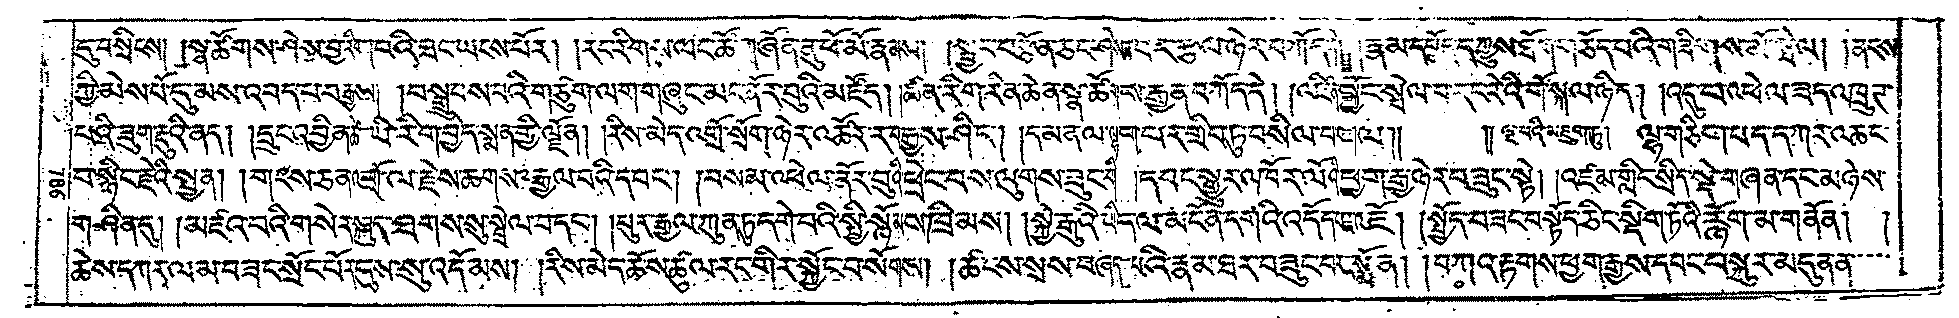དུ་བསྲིངས། །སྣ་ཚོགས་ཤེས་བྱ་རིག་པའི་ཐང་ཡངས་པོར། །རང་རིགས་ལང་ཚོ་གཞོན་ནུ་ཕོ་མོ་རྣམས། །སྦྱང་བརྩོན་ཅང་ཤེས་བང་རྩལ་ཉེར་བཀོད་དེ། །རྣམ་དཔྱོད་དཀྱུས་ཐོག་གཅོད་པའི་གཟིགས་མོ་སྤེལ། །ནངས་
ཀྱི་མེས་པོ་དུ་མས་འབད་པ་བརྒྱས། །བསྒྲུབས་པའི་གཙུག་ལག་གཞུང་མང་ནོར་བུའི་མཛོད། །ཚན་རིག་རིན་ཆེན་སྣ་ཚོགས་རྒྱན་བཀོད་དེ། །འཛིན་སྐྱོང་སྤེལ་བ་རང་རེའི་གོ་སྐལ་ཉིད། །འདུ་བ་འཕེལ་ཟད་འཁྲུགས་
པའི་ཟུག་རྔུའི་ནད། །དྲུང་འབྱིན་ཚེ་ཡི་རིག་བྱེད་སྨན་གྱི་ལྗོན། །རིས་མེད་འགྲོ་སྲོག་ཉེར་འཚོར་རབ་རྒྱས་ཤིང་། །དམན་ལ་ལྷག་པར་གྲིབ་ཏུ་བསིལ་བ་གལ།། །། ལྔ་པའི་མཇུག་ཏུ།  ལྷ་གཅིག་པད་དཀར་འཆང་
བ་སྙིང་རྗེའི་སྤྱན། །གངས་ཅན་འགྲོ་ལ་རྗེས་ཆགས་༧རྒྱལ་བའི་དབང་། །བསམ་འཕེལ་ནོར་བུའི་ཕྲེང་བས་ལུགས་ཟུང་གི །དབང་སྒྱུར་འཁོར་ལོའི་ཕྱག་རྒྱ་ཉེར་བཟུང་སྟེ། །འཛམ་གླིང་སྲིད་སྡེ་གཞན་དང་མཉེས་
གཤིན་དུ། །མཛའ་བའི་གསེར་སྐུད་ཐགས་སུ་སྦྲེལ་བ་དང་། །པུར་རྒྱལ་ཀུན་ཏུ་དགེ་བའི་སྤྱི་སྙོམས་ཁྲིམས། །སྐྱེ་རྒུའི་ཡིད་ལ་མངོན་དགའི་འདོད་པ་འཇོ། །སྤྱོད་བཟང་བསྟོད་ཅིང་སྡིག་ཏོའི་རྙོག་མ་གནོན། །
ཆེས་དཀར་ལམ་བཟང་སྲོང་པོར་དུས་སུ་འདོམས། །རིས་མེད་ཆོས་ཚུལ་རང་གིར་སྐྱོང་བ་སོགས། །ཚངས་སྲས་བཞད་པའི་རྣམ་ཐར་བཟུང་བར་སྨོན། །བཀའ྾་རྟགས་ཕྱག་རྒྱས་དབང་བསྐུར་མདུན་ན་